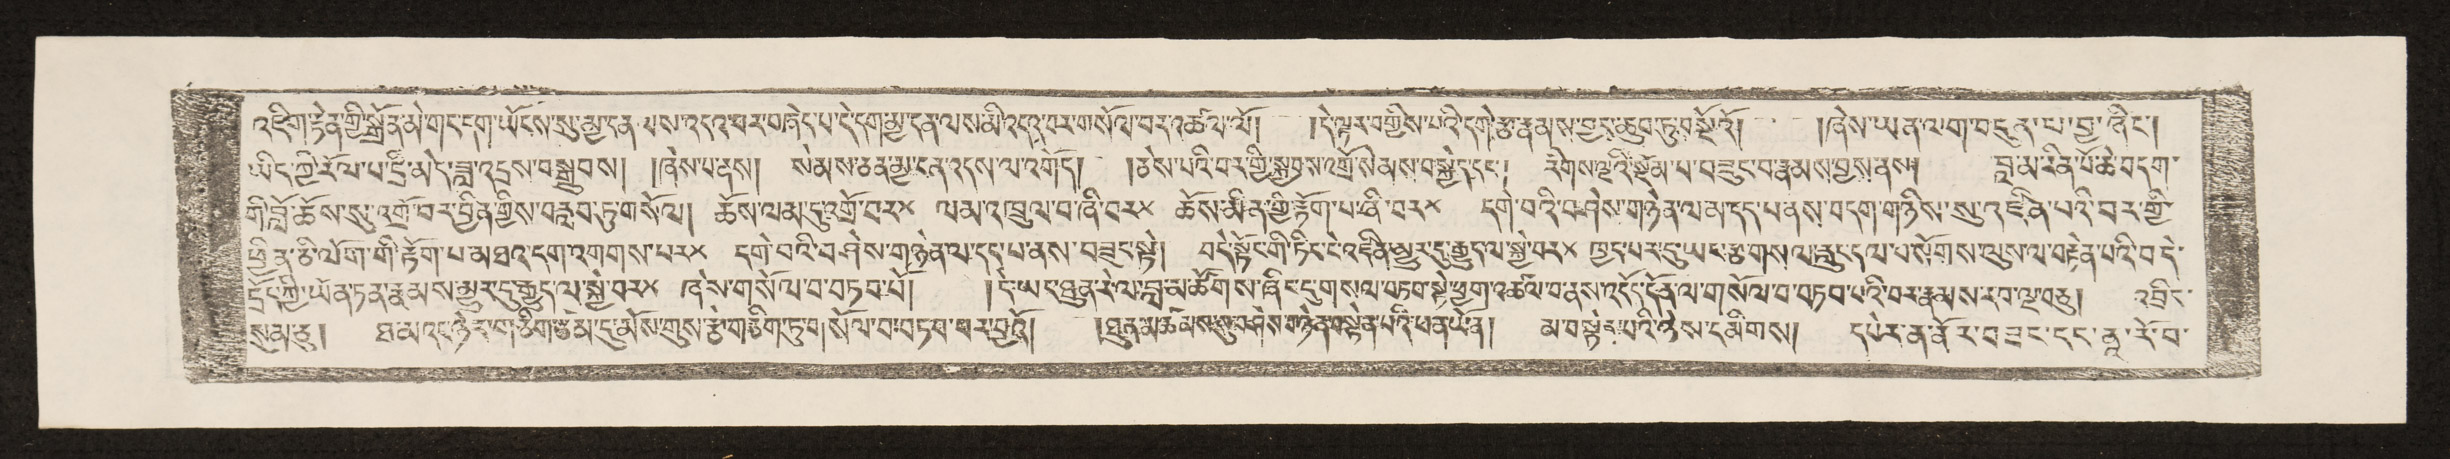འཇིག་རྟེན་གྱི་སྒྲོན་མེ་གང་དག་ཡོངས་སུ་མྱ་ངན་ལས་འདའ་བར་བཞེད་པ་དེ་དག་མྱ་ངན་ལས་མི་འདའ་བར་གསོལ་བར་འཚལ་ལོ། །དེ་ལྟར་བགྱིས་པའི་དགེ་རྩ་རྣམས་བྱང་ཆུབ་ཏུ་བསྔོའོ། །ཞེས་ཡན་ལག་བདུན་པ་བྱ་ཞིང་
ཡིད་ཀྱི་རོལ་བ་དྲི་མེད་ཟླ་འདྲས་བསྒྲུབས། ཞེས་པ་ནས། སེམས་ཅན་མྱ་ངན་འདས་ལ་འགོད། ཅེས་པའི་བར་གྱི་སྐྱབས་འགྲོ་སེམས་བསྐྱེད་དང་། རིགས་ལྔའི་སྡོམ་པ་བཟུང་བ་རྣམས་བྱས་ནས། བླ་མ་རིན་པོ་ཆེ་བདག་
གི་བློ་ཆོས་སུ་འགྲོ་བར་བྱིན་གྱིས་བརླབ་ཏུ་གསོལ། ཆོས་ལམ་དུ་འགྲོ་བར་྾་ལམ་འཁྲུལ་བ་ཞི་བར་྾་ཆོས་མིན་གྱི་རྟོག་པ་ཞི་བར་྾་དགེ་བའི་བཤེས་གཉེན་ལམ་དད་པ་ནས་བདག་གཉིས་སུ་འཛིན་པའི་བར་གྱི་
ཕྱིན་ཅི་ལོག་གི་རྟོག་པ་མཐའ་དག་འགགས་པར་྾་དགེ་བའི་བཤེས་གཉེན་ལ་དད་པ་ནས་བཟུང་སྟེ། བདེ་སྟོང་གི་ཏིང་ངེ་འཛིན་མྱུར་དུ་རྒྱུད་ལ་སྐྱེ་བར་྾་ཁྱད་པར་དུ་ཡང་རྩ་གསལ་རླུང་དལ་བ་སོགས་ལུས་ལ་བརྟེན་པའི་བདེ་
དྲོད་ཀྱི་ཡོན་ཏན་རྣམས་མྱུར་དུ་རྒྱུད་ལ་སྐྱེ་བར་྾་ཞེས་གསོལ་བ་བཏབ་བོ། །དེ་ཡང་ཐུན་རེ་ལ་བླ་མ་ཚོགས་ཞིང་དུ་གསལ་བཏབ་སྟེ་ཕྱག་འཚལ་བ་ནས་འདོད་དོན་ལ་གསོལ་བ་བཏབ་པའི་བར་རྣམས་རབ་ལྔ་བཅུ། འབྲིང་
སུམ་ཅུ། ཐ་མའང་ཉེར་གཅིག་ཙམ་དུ་མོས་གུས་རྩེ་གཅིག་ཏུ་གསོལ་བ་བཏབ་པར་བྱའོ། །ཐུན་མཚམས་སུ་བཤེས་གཉེན་པ་སྟེན་པའི་ཕན་ཡོན། མ་བསྟེན་པའི་ཉེས་དམིགས། དཔེར་ན་ནོར་བཟང་དང་ནཱ་རོ་བ་